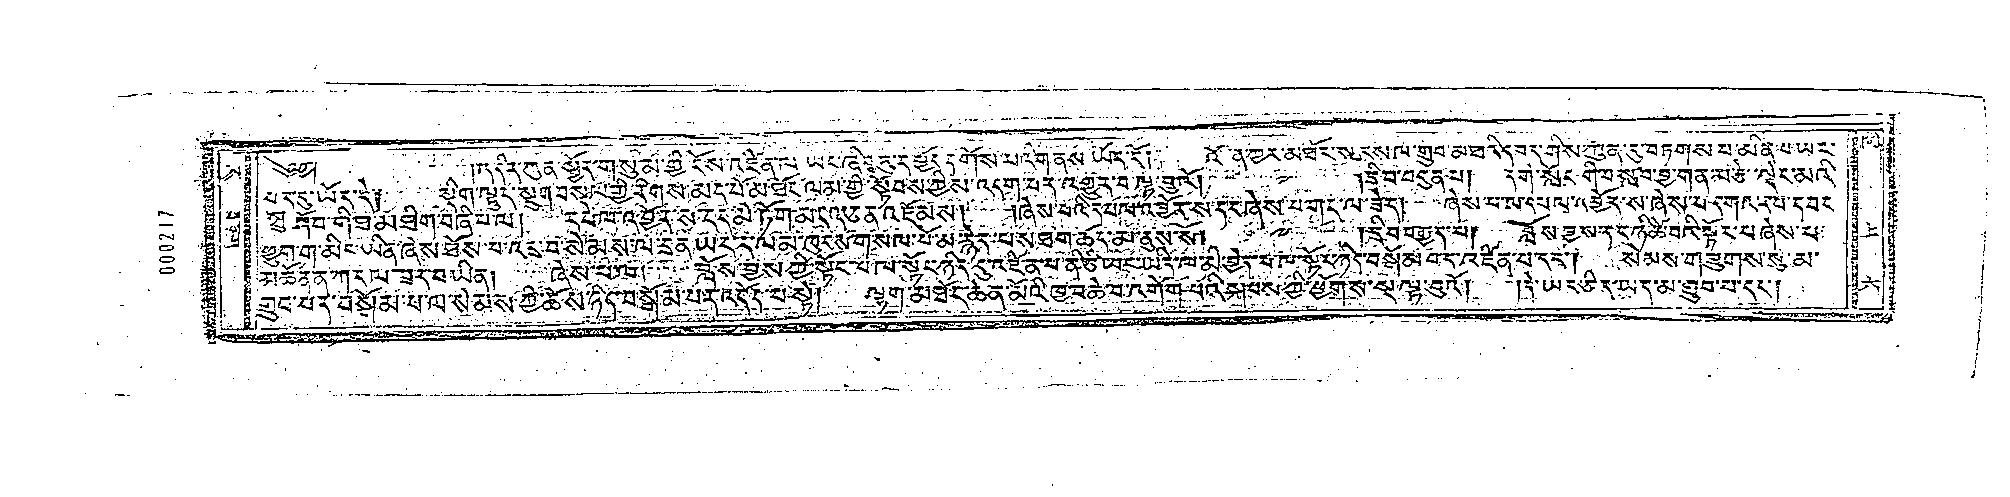༄༅། །འདིར་ཀུན་སྦྱོར་གསུམ་གྱི་ངོས་འཛིན་ལ་ཡང་ཞིབ་ཏུ་དཔྱོད་དགོས་པའི་གནས་ཡོད་དོ། །འོ་ན་ཀྱང་མཐོང་སྤངས་ལ་གྲུབ་མཐའི་དབང་གིས་ཀུན་དུ་བཏགས་པ་མིན་པ་ཡང་
པར་དུ་ཡོད་དེ། སྡིག་ལྟུར་སྡུག་བསྔལ་གྱི་རིགས་མང་པོ་མཐོང་ལམ་གྱི་སྟོབས་ཀྱིས་འདག་པར་འགྱུར་བ་ལྟ་བུའོ། ༧་།དྲིབ་བདུན་པ། དགེ་སློང་གི་བསླབ་བྱ་གནམ་རྩེ་ལྡིང་མའི་
ས་ཤོབ་གི་ཐ་མ་ཐིག་བཞི་པ་ལ། དཔལ་འབྱོར་ས་དང་མེ་ཏོག་མངའ་ཅན་འཇོམས། །ཞེས་པའི་དཔལ་འབྱོར་ས་དང་ཞེས་པ་གང་ལ་ཟེར། ཞེས་པ་ལ་དཔལ་འབྱོར་ས་ཞེས་པ་དགའ་རབ་དབང་
ཕྱུག་གི་མེད་ཡིན་ཞེས་ཐོས་པ་འདྲ་བ་སེམས་ལ་དྲན་ཡང་ང་ལམ་ཁུངས་གསལ་པོ་མ་རྙེད་པས་ཐག་ཆོད་མ་ནུས་སོ། ༧་།དྲི་བ་བགྱད་པ། བློས་བྱས་དང་ཉི་ཚེ་བའི་སྟོང་པ་ཞེས་པ་
མཆོན་ན་ཀང་ལ་པར་བ་ཡིན། ཞེས་པ་ལ། བློས་བྱས་ཀྱི་སྟོང་པ་ལ་སྟོང་ཉིད་དུ་འཛིན་པ་ནི་ཅི་ཡང་ཡིད་ལ་མི་བྱེད་པ་ལ་སྟོད་ཉིད་བསྒོམ་པར་འཛིན་པ་དང་། སེམས་གཟུགས་སུ་མ་
གྲུབ་པར་བསྒོམ་པ་ལ་སེམས་ཀྱི་ཆོས་ཉིད་བསྒོམ་པར་འདོད་པ་སྟེ། ལྷག་མཐོད་ཆེན་མོའི་ཁྱབ་ཆེ་བ་འགོག་པའི་སྐབས་ཀྱི་ཕྱོགས་སྔ་ལྟ་བུའོ། །དེ་ཡང་ཅིང་ཡང་མ་གྲུབ་པ་དང་།